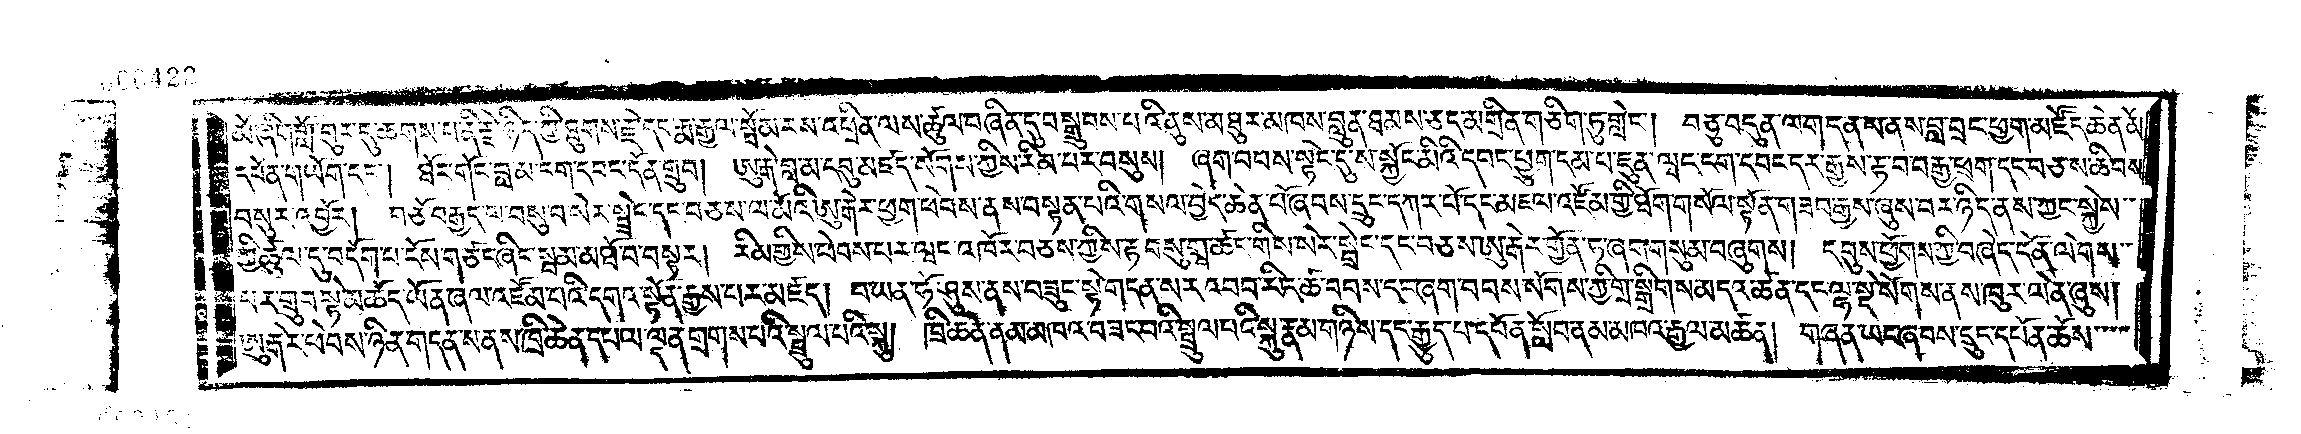མོ་ཞིག་གློ་བུར་དུ་ཆགས་པ་ནི་རྗེ་ཉིད་ཀྱི་ཐུགས་རྗེ་དང་རྨ་རྒྱལ་སྤོམ་རས་འཕྲིན་ལས་ཚུལ་བཞིན་དུ་བསྒྲུབས་པའི་ནུས་མཐུར་མཁས་བླུན་ཐམས་ཅད་མགྲིན་གཅིག་ཏུ་གླེང་། བཅུ་བདུན་ལ་གདན་ས་ནས་བླ་བྲང་ཕྱག་མཛོད་ཆེན་མོ་
དཔོན་གཡོག་དང་། ཐོར་གོད་བླ་མ་ངག་དབང་དོན་གྲུབ། ཨུརྒེ་བླ་མ་དབུ་མཛད་སོགས་ཀྱིས་རིམ་པར་བསུས། ཞག་བབས་སྟེང་དུ་ས་སྐྱོང་མིའི་དབང་ཕྱུག་དམ་པ་ཇུན་ཝང་ངག་དབང་དར་རྒྱས་རྟ་པ་བརྒྱ་ཕྲག་དང་བཅས་ཆིབས་
བསུར་འབྱོར། བཅོ་བརྒྱད་ལ་བསུ་བ་སེར་སྦྲེང་དང་བཅས་ལ་མོའི་ཨུརྒེར་ཕྱག་ཕེབས་ནས་བསྟན་པའི་གསལ་བྱེད་ཆེན་པོ་ཞབས་དྲུང་དཀར་པོ་དང་མཇལ་འཛོམ་གྱི་ཐོག་གསོལ་སྟོན་གཟབ་རྒྱས་ཞུས་པར་ཉིད་ནས་ཀྱང་སྐྱེས་
ཀྱི་ཚུལ་དུ་བདོག་པ་ངོས་གཙང་ཞིང་སྤམ་མཐོ་བ་བསྟར། རིམ་གྱིས་ཕེབས་པར་ཝང་འཁོར་བཅས་ཀྱིས་རྟ་བསུ་གྲྭ་ཚང་གིས་སེར་སྦྲེང་དང་བཅས་ཨུརྒེར་བྱོན་ཏ་ཞག་གསུམ་བཞུགས། དབུས་ཕྱོགས་ཀྱི་བཞེད་དོན་ལེགས་
བར་གྲུབ་སྟེ་མཆོད་ཡོན་ཞལ་འཛོམ་པའི་དགའ་སྟོན་རྒྱས་པར་མཛད། བ་ཡན་ཧོ་ཤུས་ནས་བཟུང་སྟེ་གདན་སར་འབབ་རིང་ཚ་བབས་དང་ཞག་བབས་སོགས་ཀྱི་གྲ་སྒྲིགས་མདའ་ཚན་དང་ལྷ་སྡེ་སོགས་ནས་ཁུར་ལེན་ཞུས།
ཨུརྒེར་ཕེབས་ཉིན་གདན་ས་ནས་ཁྲི་ཆེན་དཔལ་ལྡན་གྲགས་པའི་སྤྲུལ་པའི་སྐུ། ཁྲི་ཆེན་ནམ་མཁའ་བཟང་བའི་སྤྲུལ་པའི་སྐུ་རྣམ་གཉིས་དང་རྒྱུད་པ་དཔོན་སློབ་ནམ་མཁའ་རྒྱལ་མཚན། གཞན་ཡང་ཞབས་དྲུང་དཔོན་ཆོས་